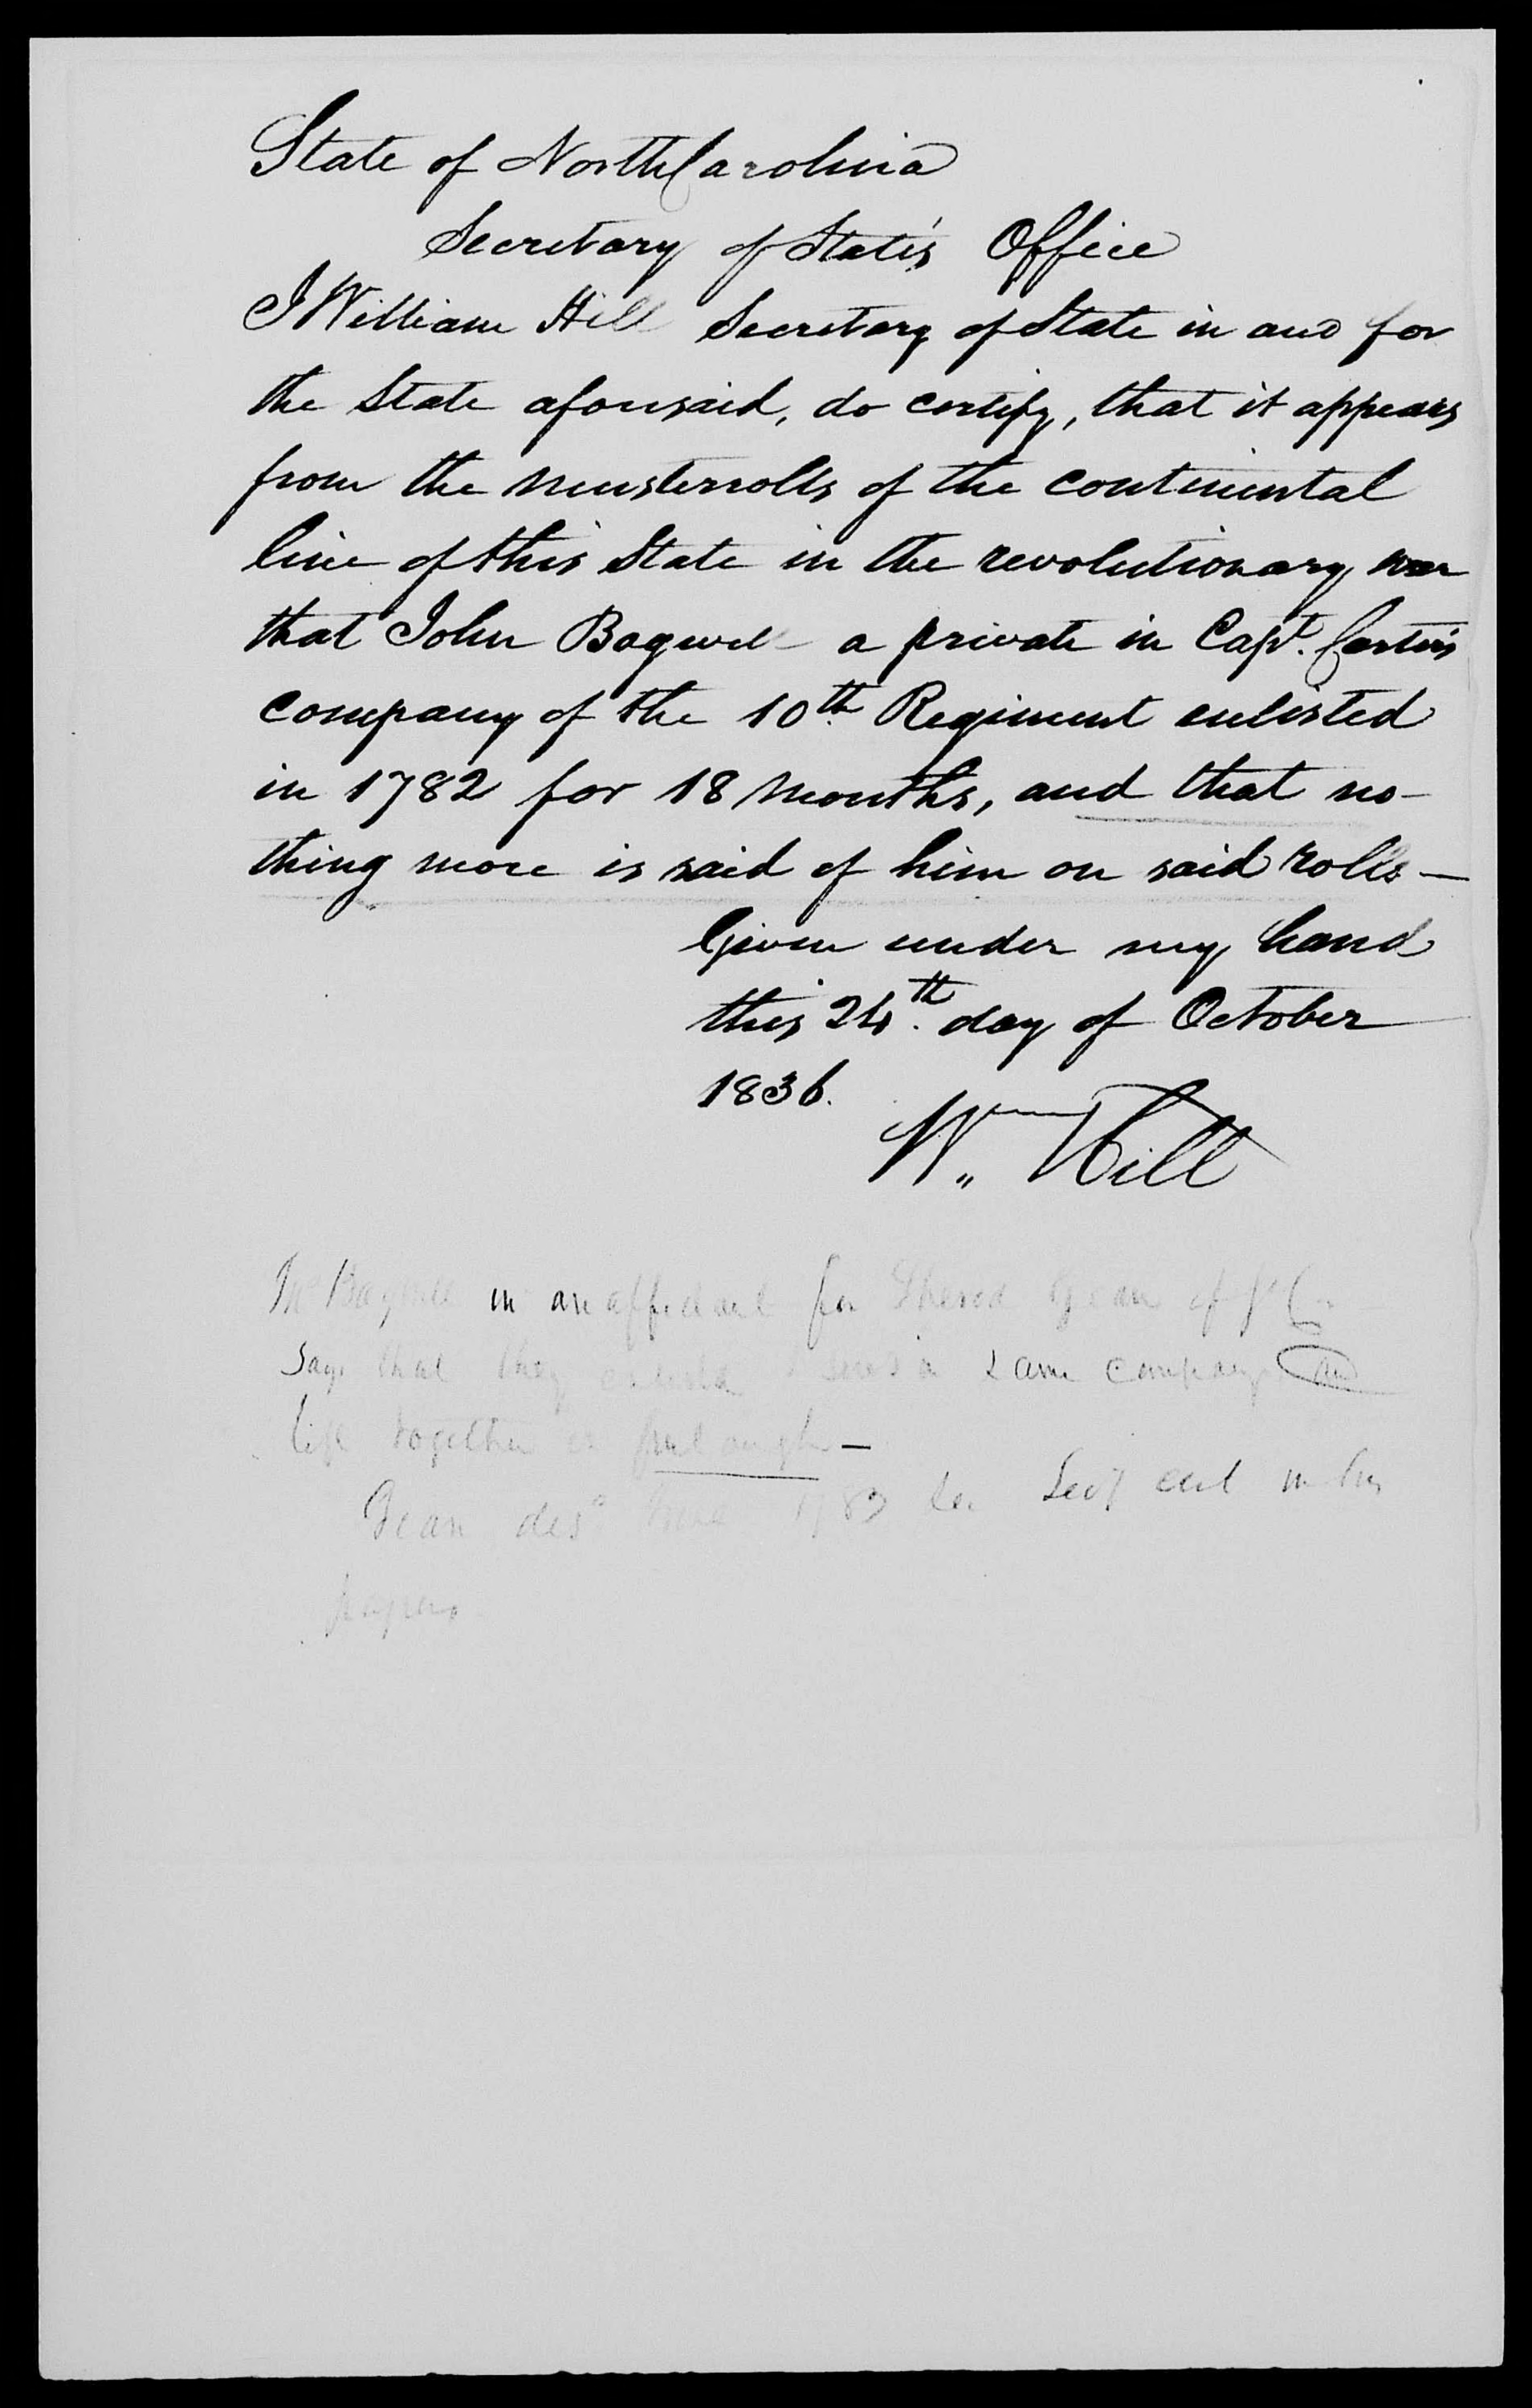State of North Carolina Secretary of State's Office I William Hill Secretary of State in and for the State aforesaid, do certify, that it appears from the [illegible] of the continental line of this State in the revolutionary war that John Bagwell a private in Capt Farling company of the 10th regiment enlisted in 1782 for 18 months, and that nothing more is said of him on said rolls given under my hand this 24th day of October 1836. W Will
In an affidavit for [illegible words]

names: John Bagwell, Wm Hill, William Hill, Jno Bagwell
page: 32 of 36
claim: survivor's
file: S 6571, John Bagwell, N.C.